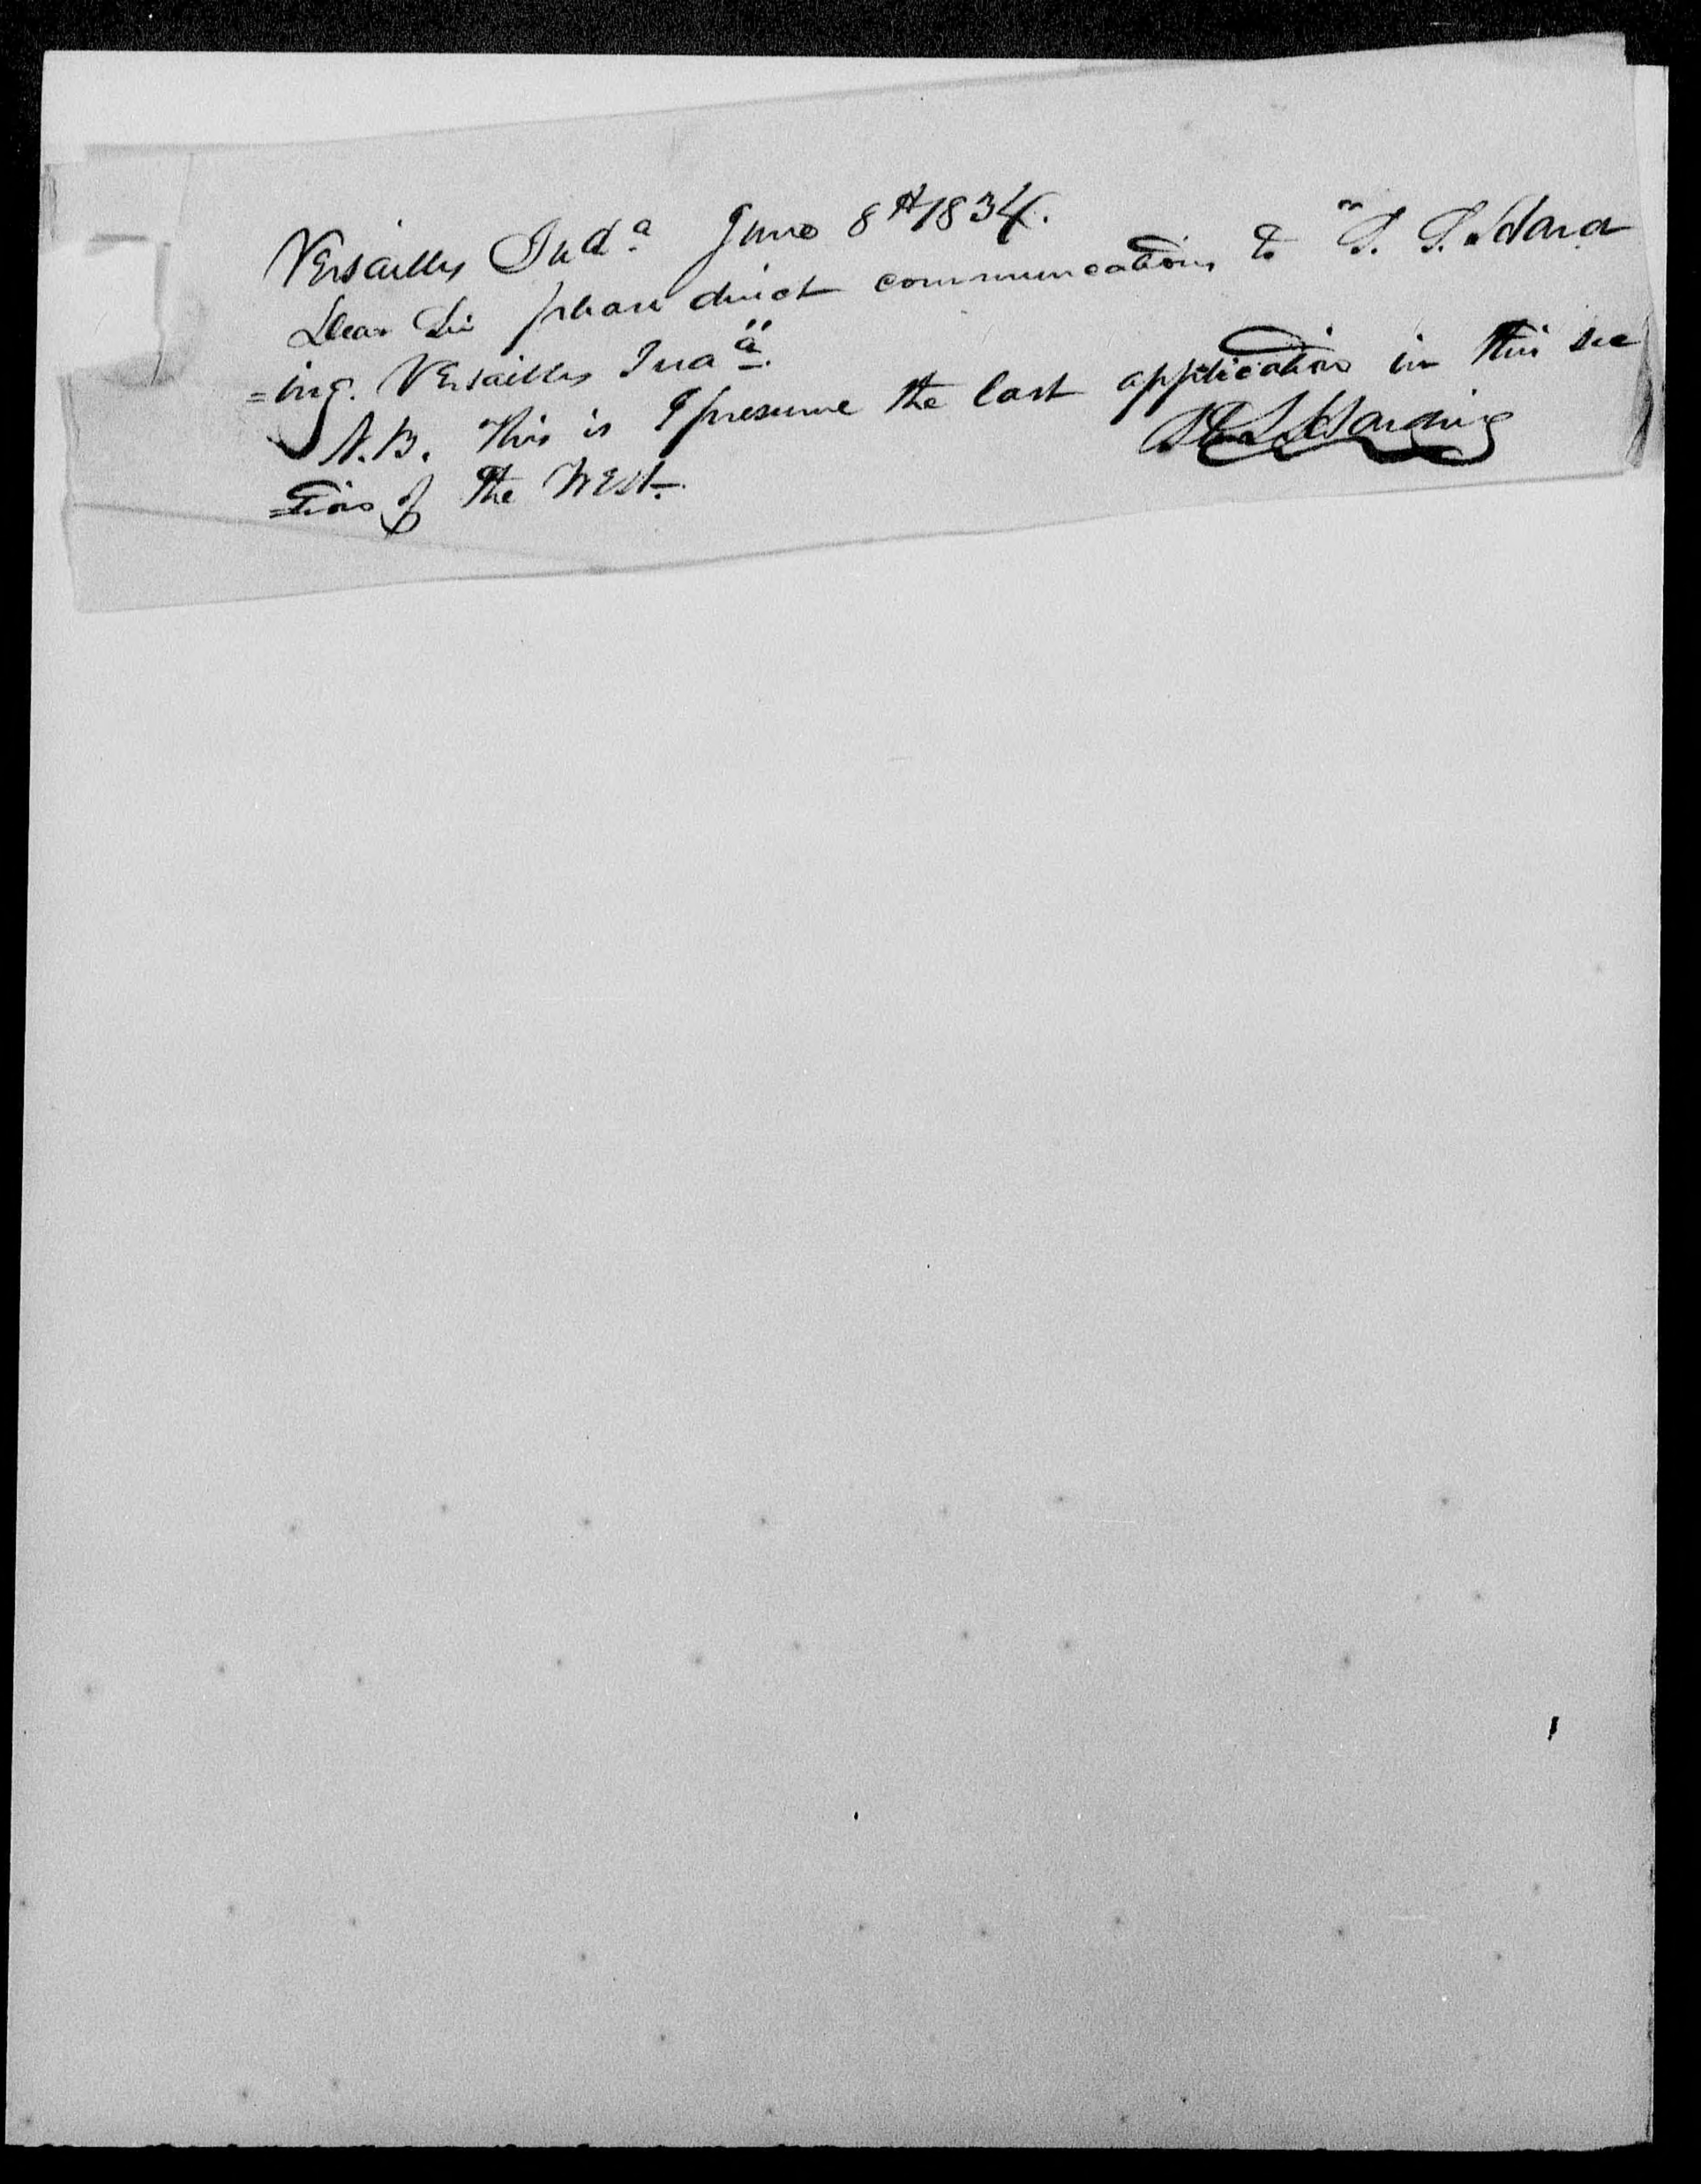Versailles Inda.  June 8th 1834
Dear Sir  Please direct communications to S.S. Harking Versailles Inda.
N.B.  This is I presume the last application in this section of the West
S.S. Harding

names: A D S Harding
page: 19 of 31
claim: survivor's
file: S. 3049, William G Bryant, Va.